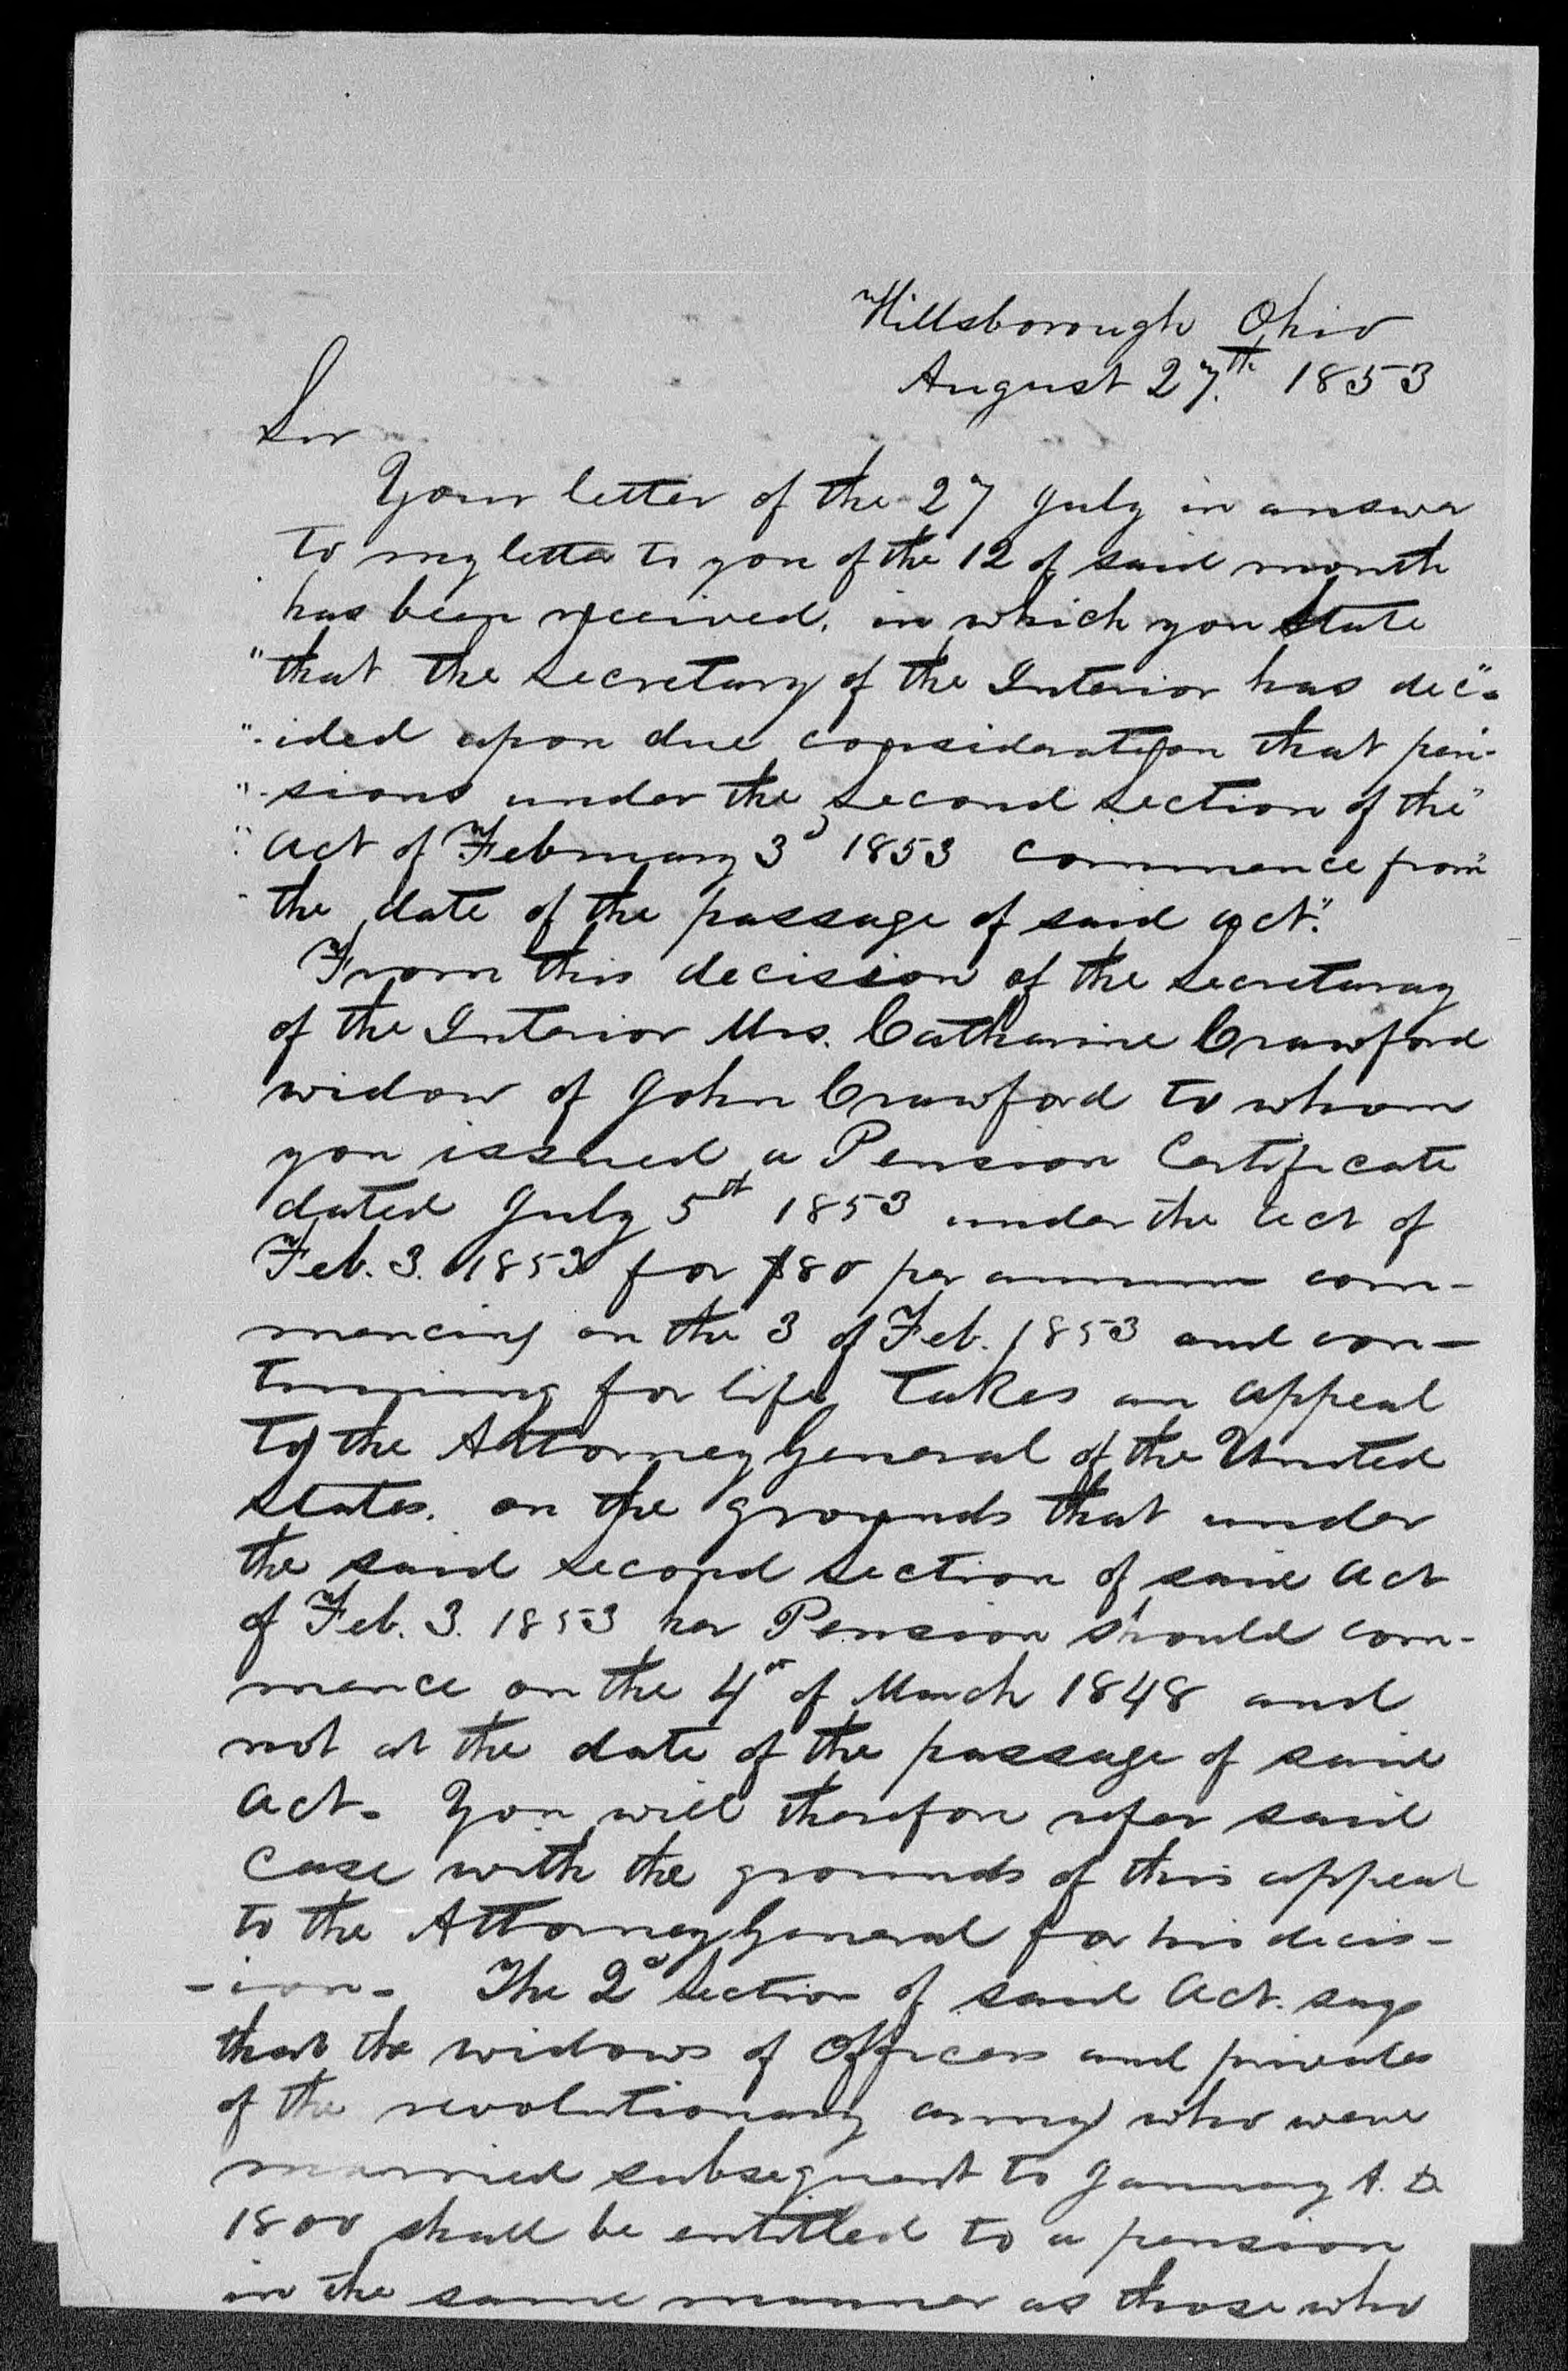Hillsborough Ohio
August 27th 1853

Sir,
Your letter of the 27 July in answer to my letter to you of the 12 of said month has been received, in which you state that the Secretary of the Interior has decided upon due consideration that pensions under the second section of the act of February 3d 1853 commence from the date of the passage of said Act.

From this decision of the Secretary of the Interior, Mrs. Catherine Crawford widow of John Crawford to whom you issued a Pension Certificate dated July 5th 1853 under the act of Feb. 3. 1853 for $80 per annum commencing on the 3 of Feb 1853 and continuing for life takes an appeal to of the Attorney General of the United States, on the grounds that under the said second section of said act of Feb. 3. 1853 her Pension should commence on the 4th of March 1848 and not at the date of the passage of said act. you will therefore refer said case with the grounds of this appeal to the Attorney General for his decision. The 2d Section of said act. say
that the widows of Officers and privates of the revolutionary army who were married subsequent to January A.D 1800 shall be entitled to a pension in the same manner as those who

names: John Crawford, Catharine Crawford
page: 47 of 80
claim: widow's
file: W 2070, John Crawford, Penn.